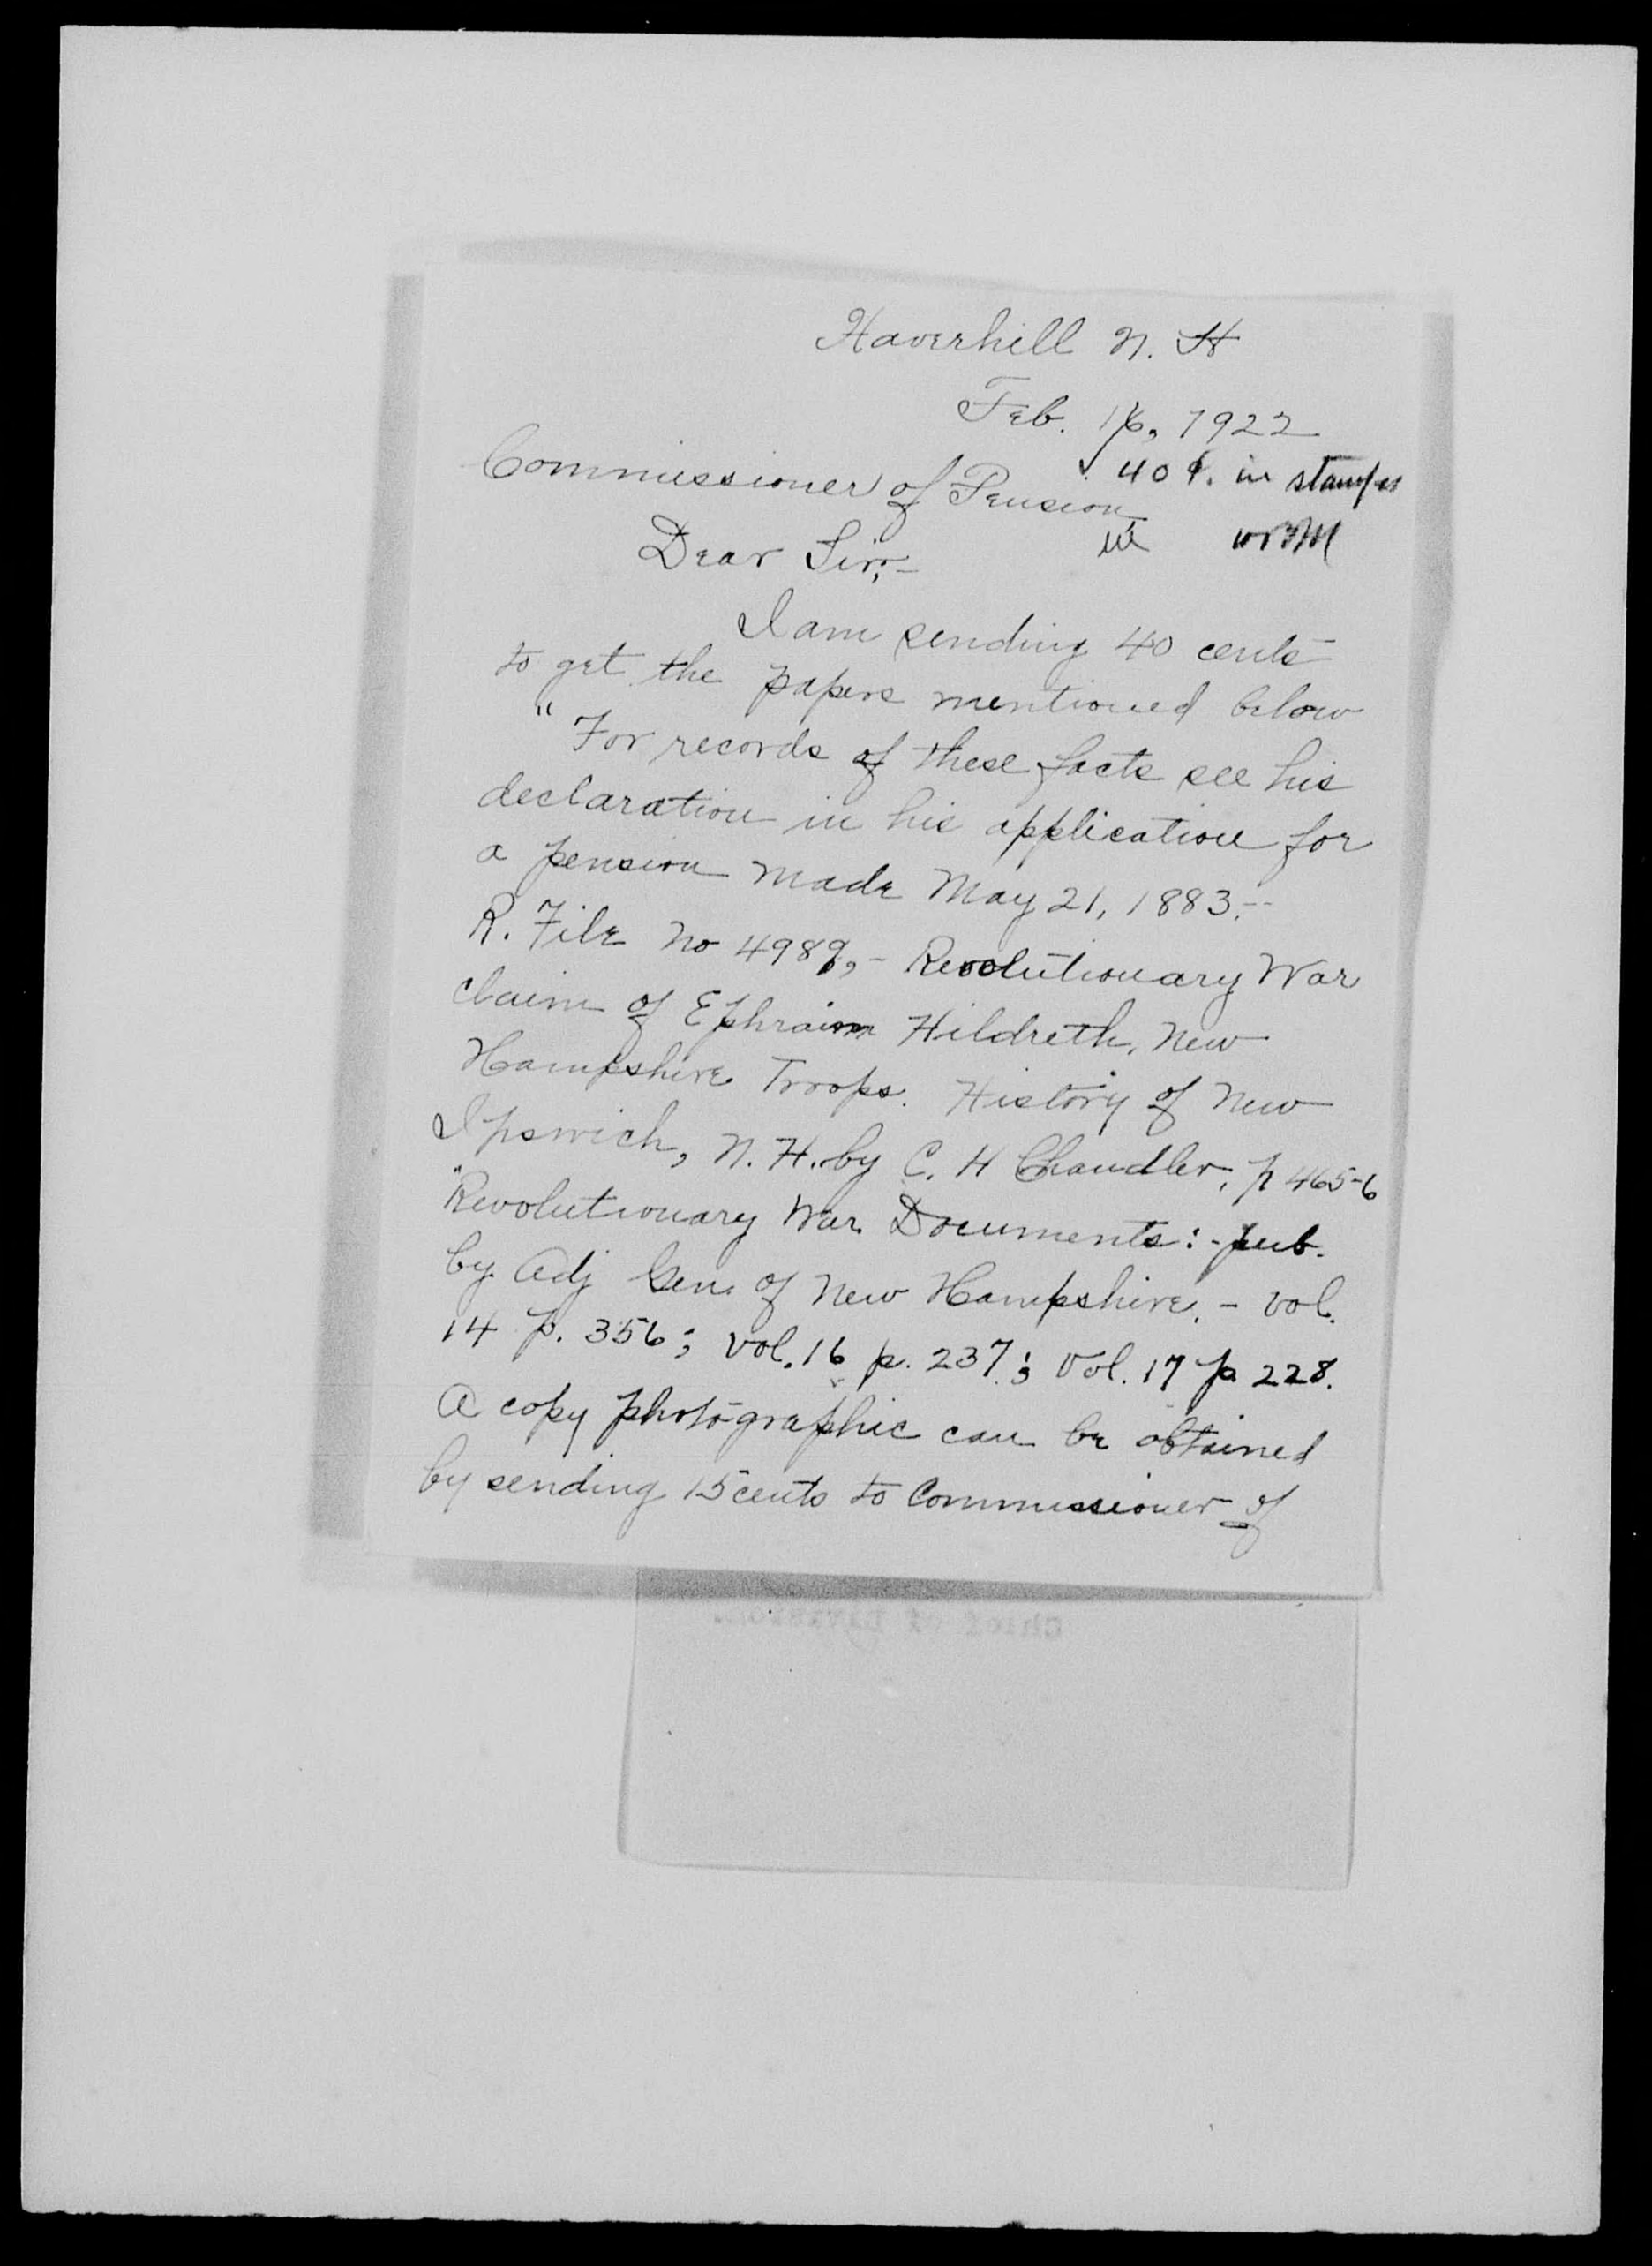Haverhill N(ew) .H(ampshire).
Feb(ruary) 16, 1922

40 in stamps (initals ?WM)

Commissioner of Pension

Dear Sir

I am sending 40 cents to get the paper mentioned below    
"For records of these facts see his
declaration in his application for
a pension made May 21, 1883
R. File No 4989,- Revolutionary War
claim of Ephraim Hildreth, New
Hampshire troops.  History of New
Ipswich, N. H. by C. H. Chandler, 465-6
Revolutionary War Documents: pub(lished)
by Adj(utant) Gen(eral). of New Hampshire- Vol(ume). 14. p(age) 356, Vol. 16 p. 237; Vol. 17 p. 228  A copy photographic can be obtained
by sending 15 cents to commissioner of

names: Ephraim Hildreth, C H Chandler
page: 15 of 17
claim: rejected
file: R. 4989, Ephraim Hildreth, N.H.